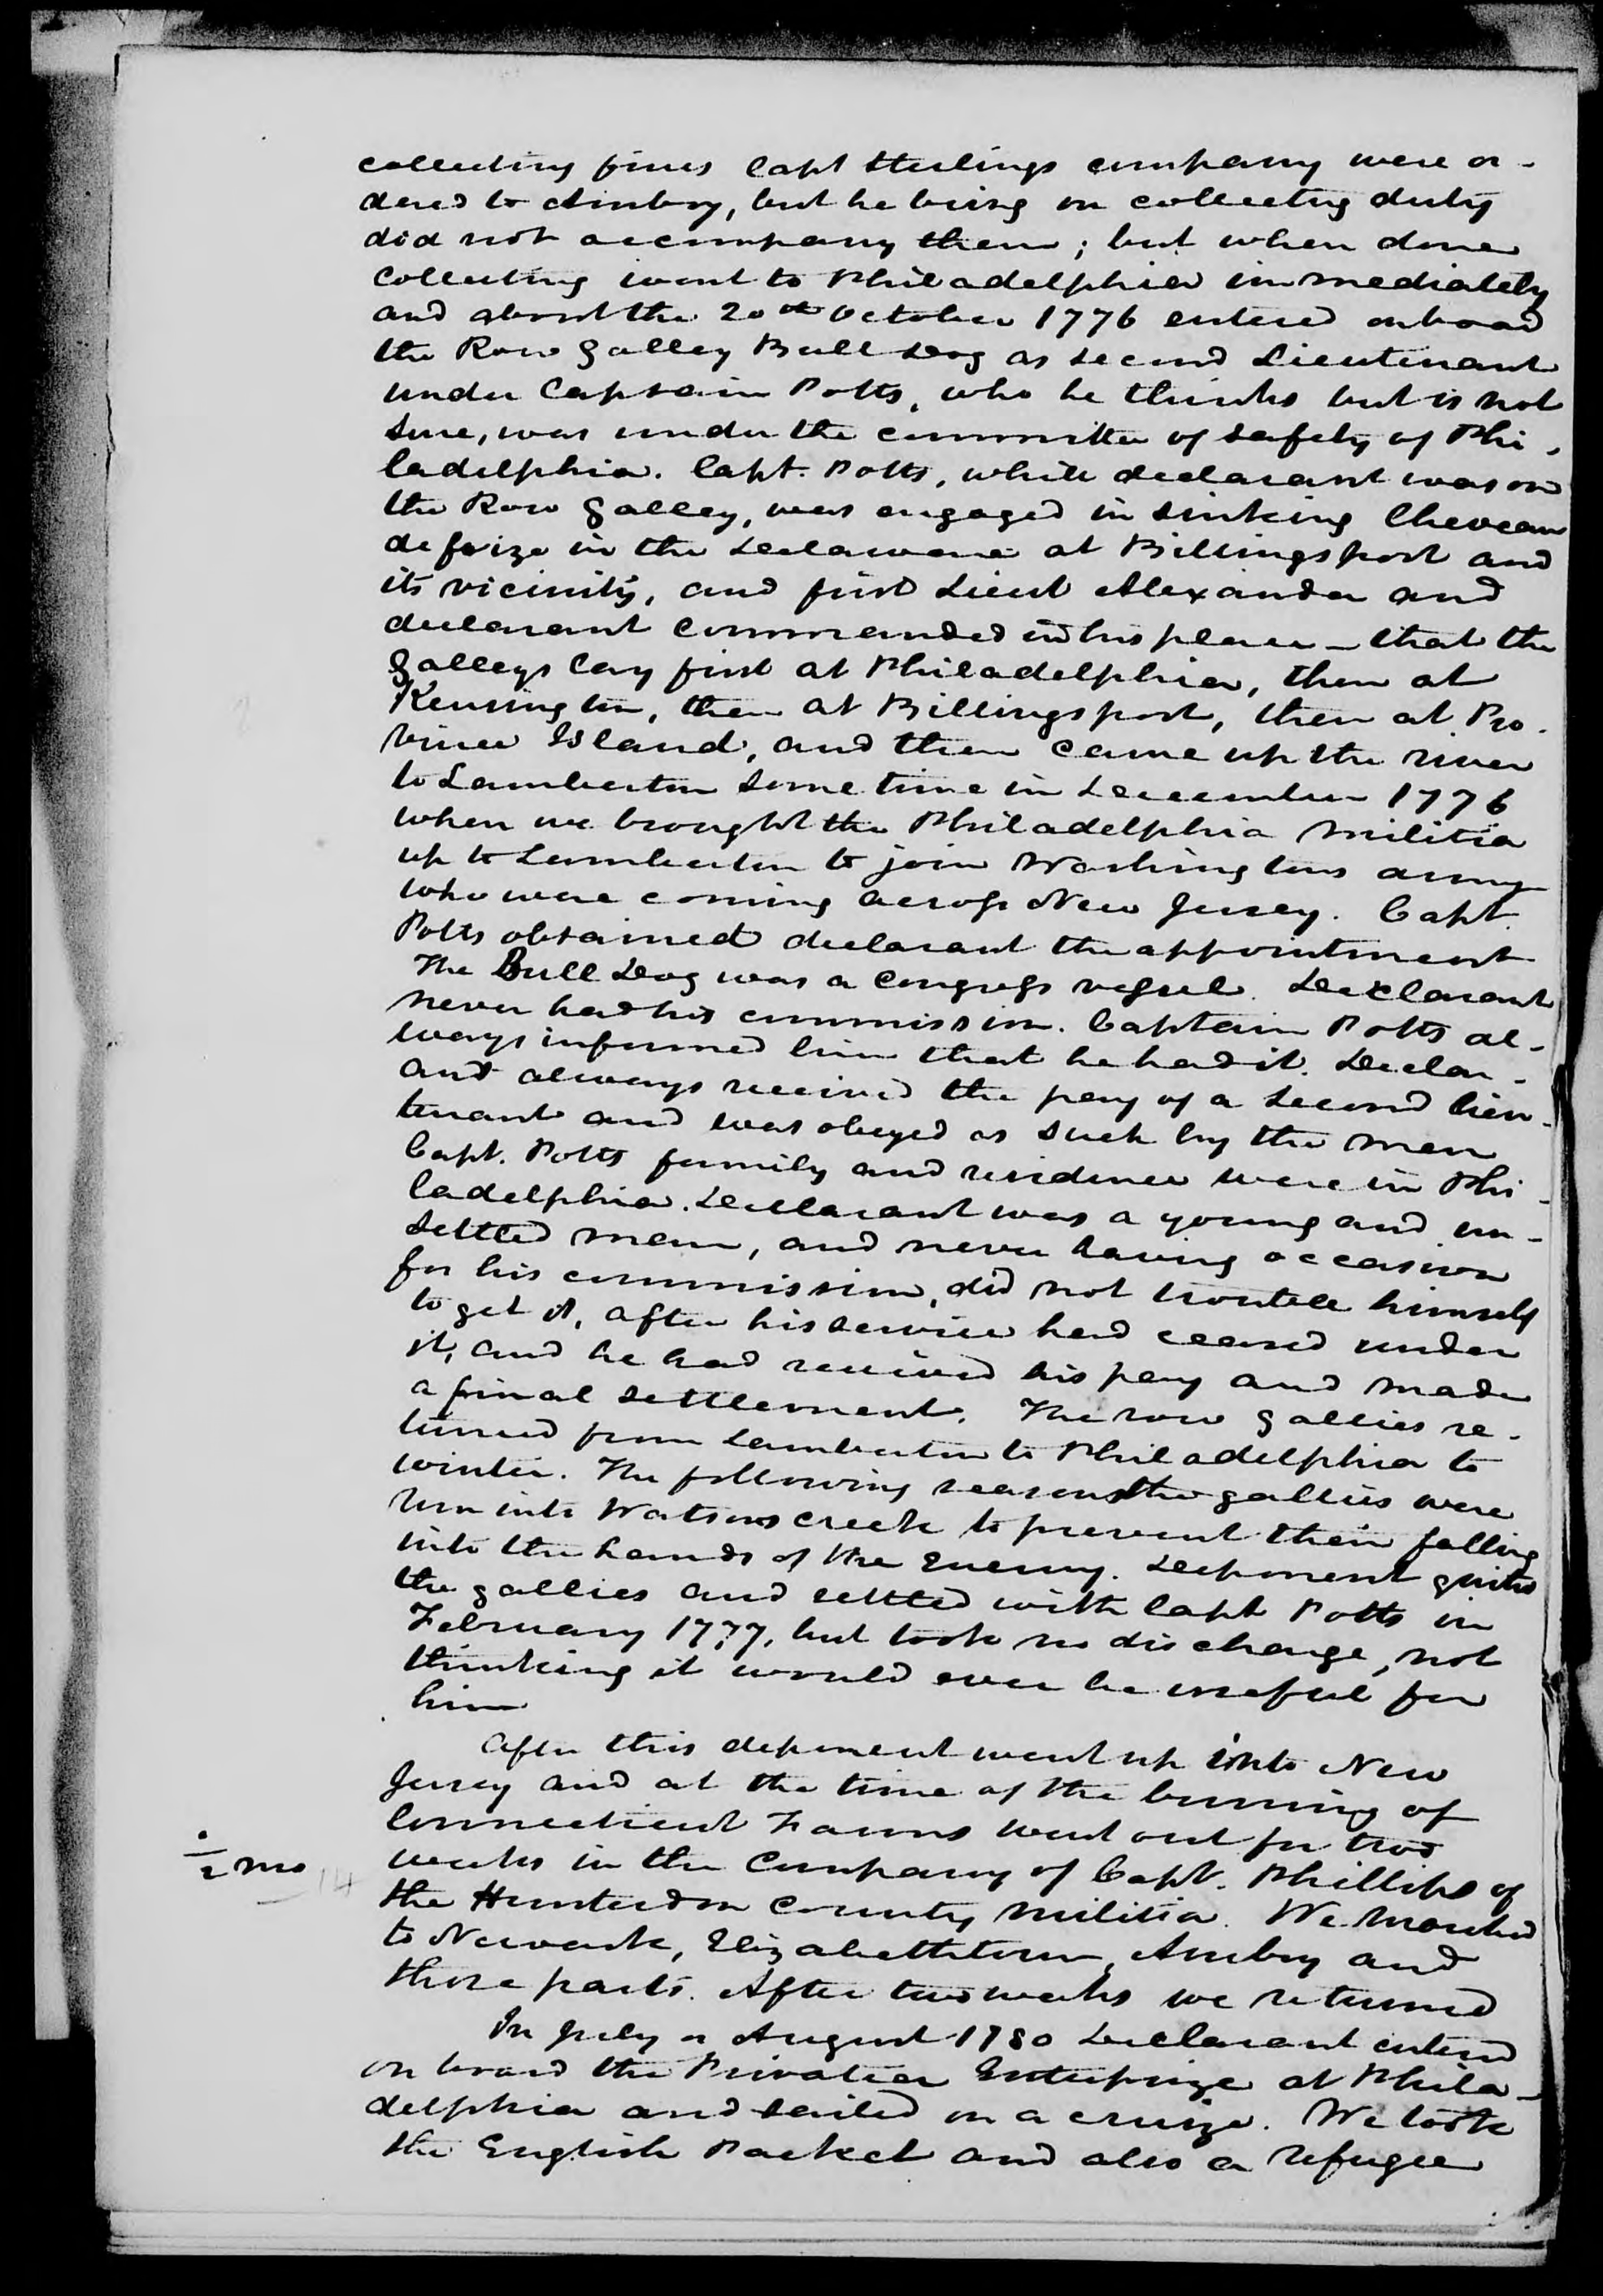collecting fines Capt Sterlings company were ordered to Amboy, but he being on collecting duty did not accompany them; but when done collecting went to Philadelphia immediately and about the 20th October 1776 entered on board the Row Galley Bulldog as Second Lieutenant under Captain Potts, who he thinks but is not sure, was under the committee of Safety of Philadelphia. Capt. Potts, while declarant was on the Row Galley, was engaged in sinking Cheveaux de Frize in the Delaware at Billingsport and its vicinity, and first Lieut Alexander and declarant commanded in his place _ that the Galleys lay first at Philadelphia, then at Kensington, then at Billingsport, then at Province Island, and then came up the river to Lamberton some time in December 1776 when we brought the Philadelphia Militia up to Lamberton to join Washingtons Army who were coming across New Jersey. Capt Potts obtained declarant the appointment. The Bull Dog was a Congress vessel. declarant never had his commission. Captain Potts always informed him that he had it. Declarant always received the pay of a Second Lieutenant and was obeyed as such by the men
Capt. Potts family and residence were in Philadelphia. Declarant was a young and unsettled man, and never having occasion for his commission, did not trouble himself to get it, after his service had ceased under it, and he had received his pay and made a final settlement. The row gallies returned from Lamberton to Philadelphia to winter. The following season the gallies were [run?] into Watsons Creek to prevent their falling into the hands of the Enemy. Deponent [quit?] the gallies and settled with Capt Potts in February 1777, but took no discharge, not thinking it would ever be useful for him.
After this deponent went up into New Jersey and at the time of the burning of Connecticut Farms went out for two weeks in the company of Capt. Phllips of the Hunterdon County Militia. We marched to Newark, Elizabethtown, Amboy and those parts. After two weeks we returned.
In July - August 1780 Declarant entered on board the Privateer Enterprize at Philadelphia and sailed on a cruize. We took the English Packet and also a refugee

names: [BLANK] Phillips; [BLANK] Alexander; [BLANK] Potts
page: 35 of 39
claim: rejected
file: R. 6154, for James Laning, New Jersey